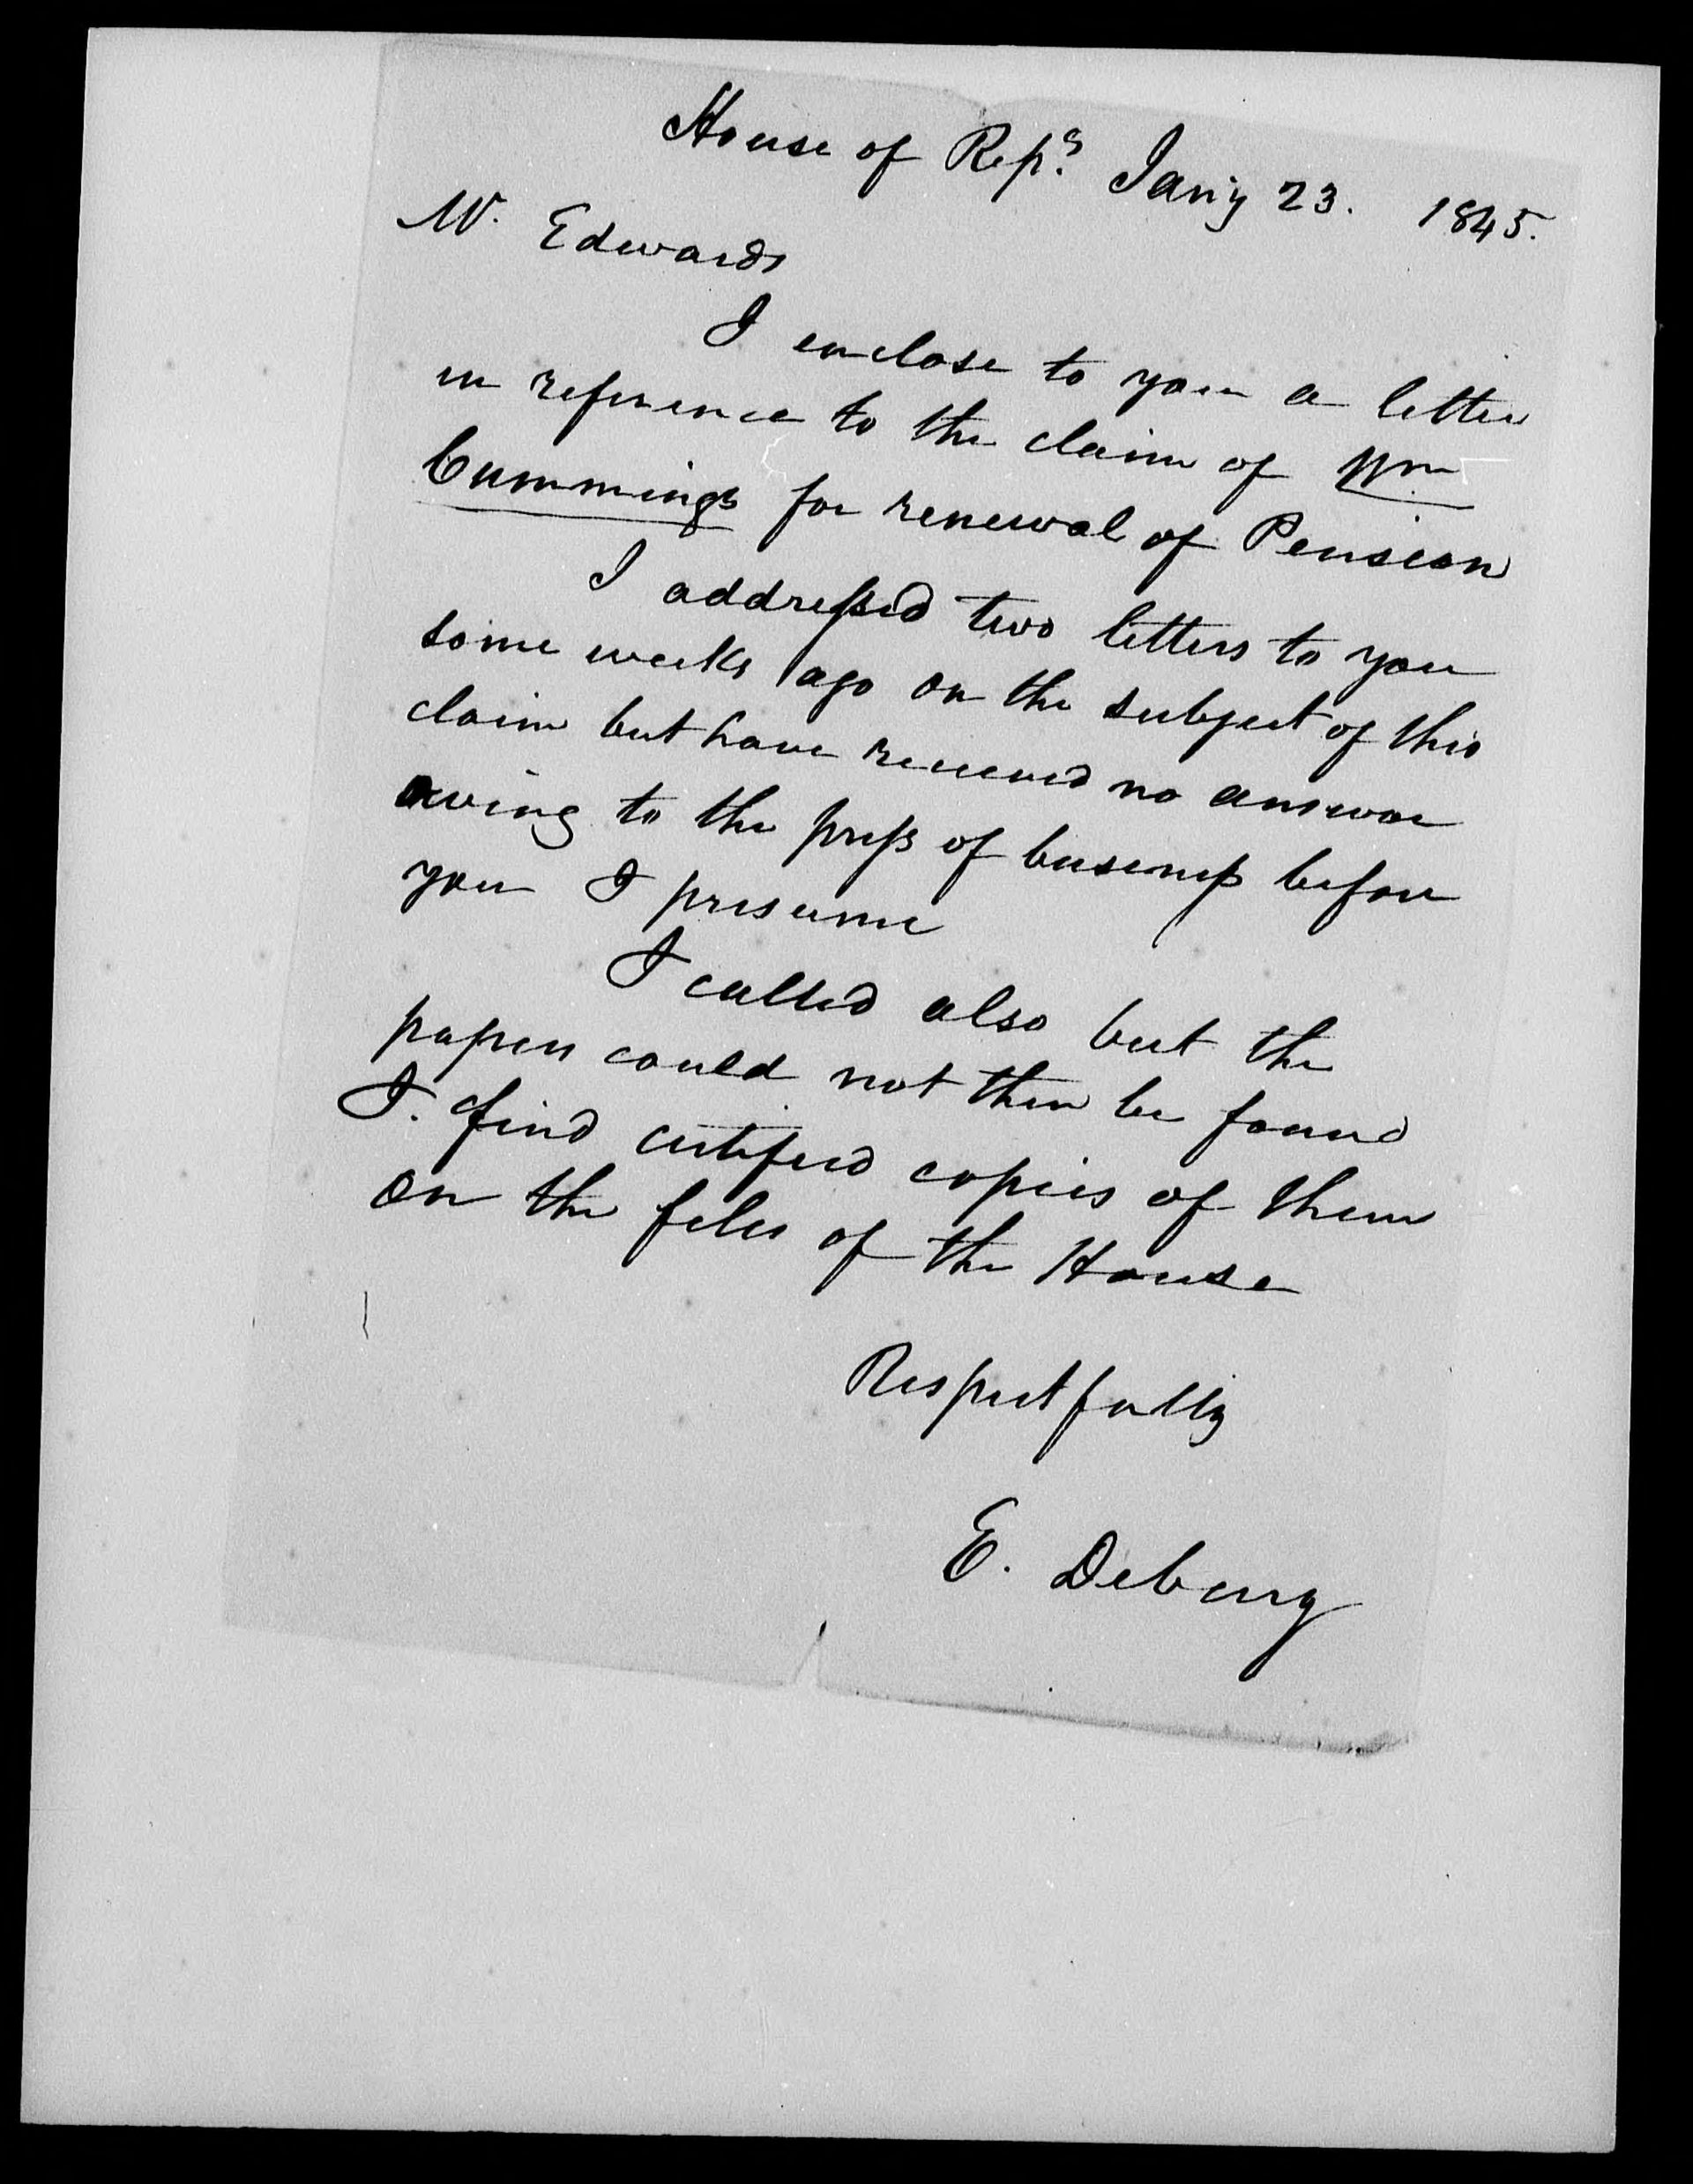[Handwritten letter]

House of Reps.  Jan'y 23. 1845.

W. [or Mr.] Edwards

I enclose to you a letter in reference to the claim of [here the following name is underlined:] Wm. Cummings for renewal of Pension

I addressed two letters to you Some weeks ago on the Subject of this claim but have received no answar [or answer] owing to the press of business before you  I presume

I called also but the papers could not then be found
I. find certified copies of them [or these] on the files of the House

Respectfully

E. Deberry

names: Edwards, Wm Cummings, E Deberry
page: 20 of 145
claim: survivor's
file: S. 8265, William Cumming, N.C.